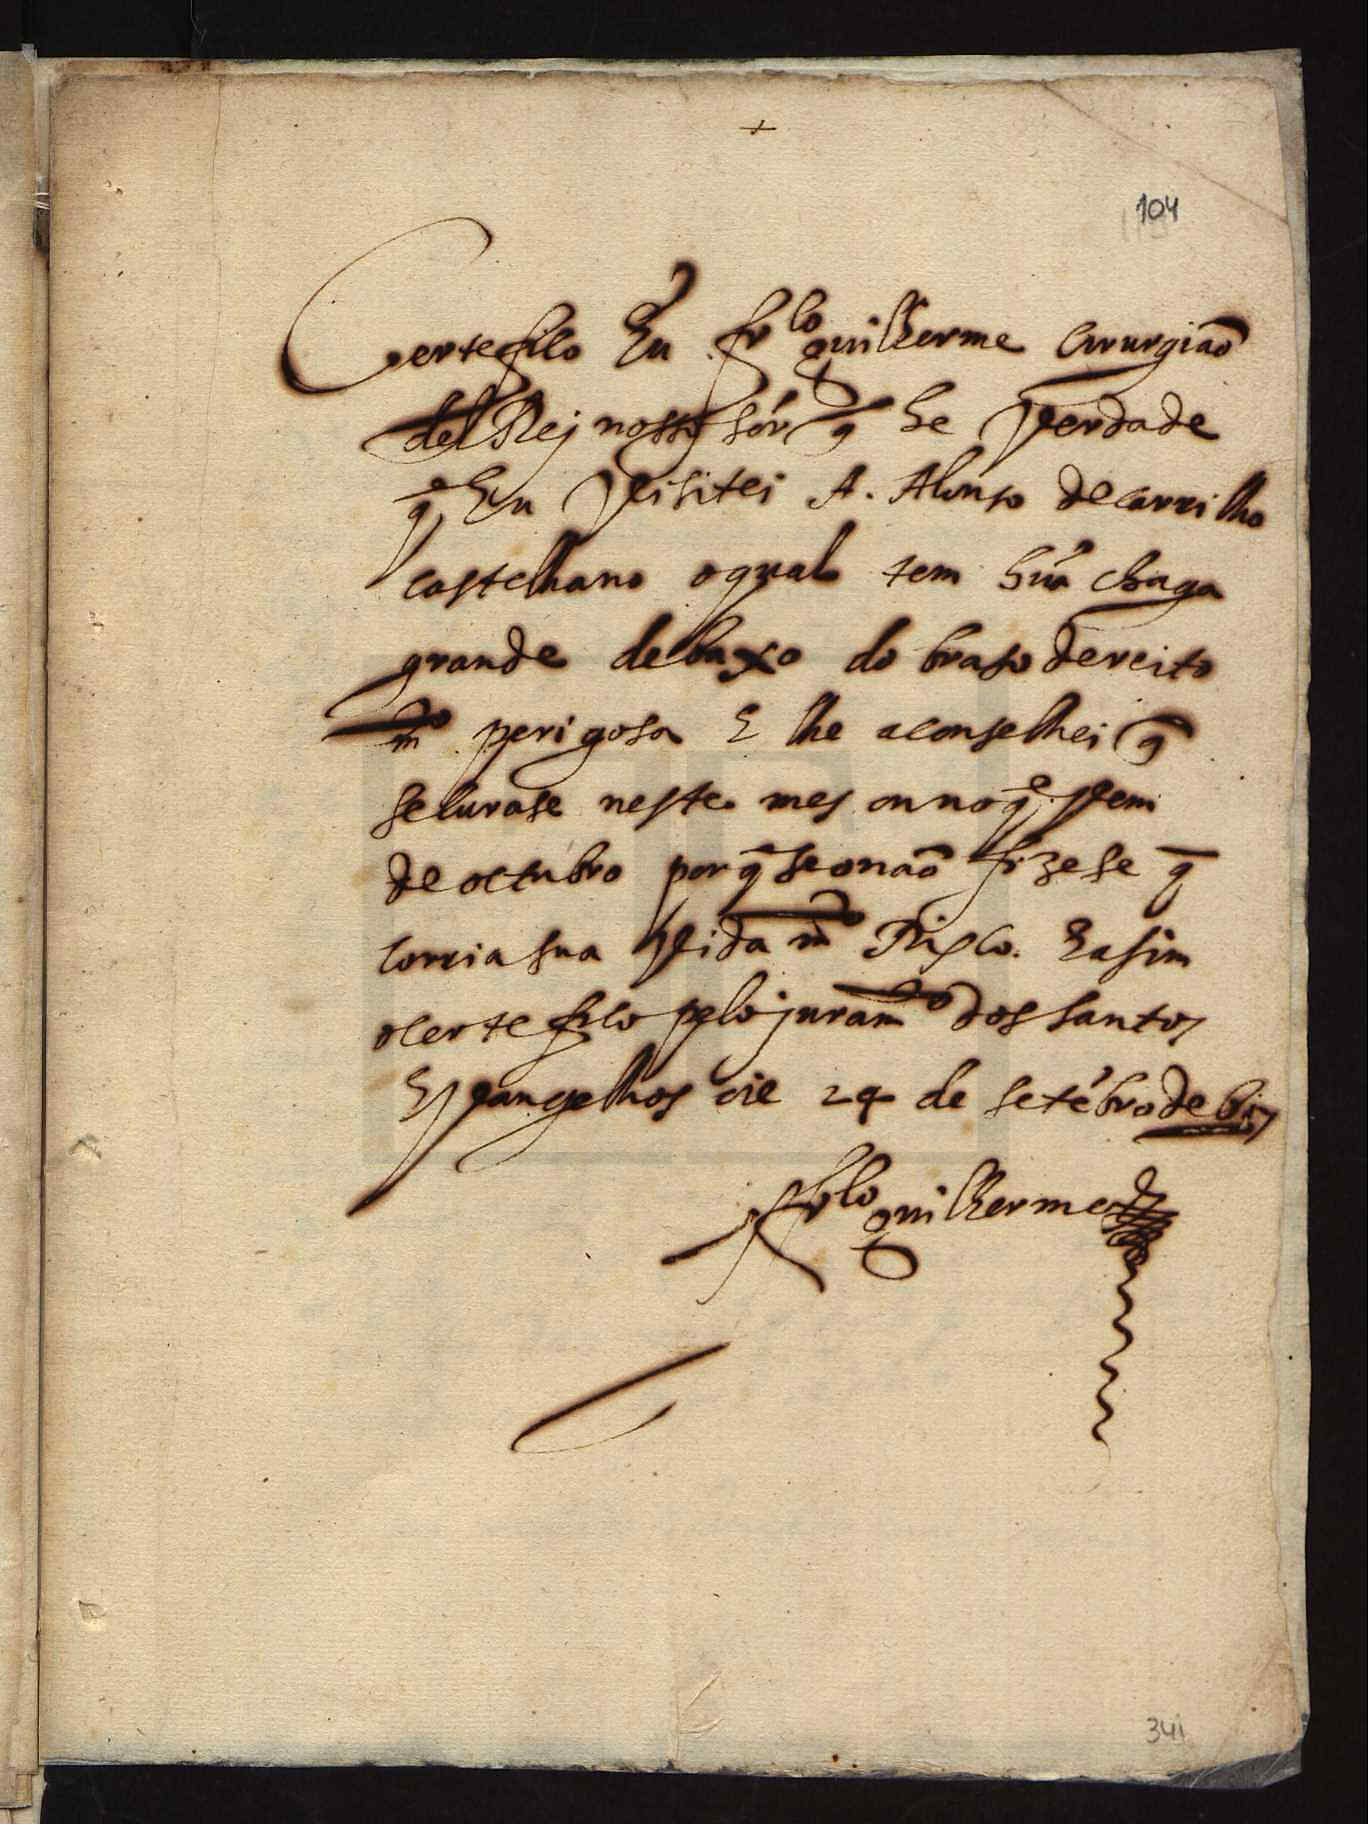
Certefico Eu frco guilherme cirurgião
del Rej nosso sor̄ q̄ he Verdade
q̄ Eu Visitei A. Alonso de carrilho
castelhano o qual tem huā chaga
grande debaxo do braso dereito
mto perigosa E lhe aconselhei q̄
se curase neste mes ou no q̄ Vem
de octubro porq̄ se o naõ fizese q̄
corria sua Vida mto Risco. E asim
o certefico pelo juramto dos santos
EVangelhos oie 24 de setēbro de 617
frco guilherme
